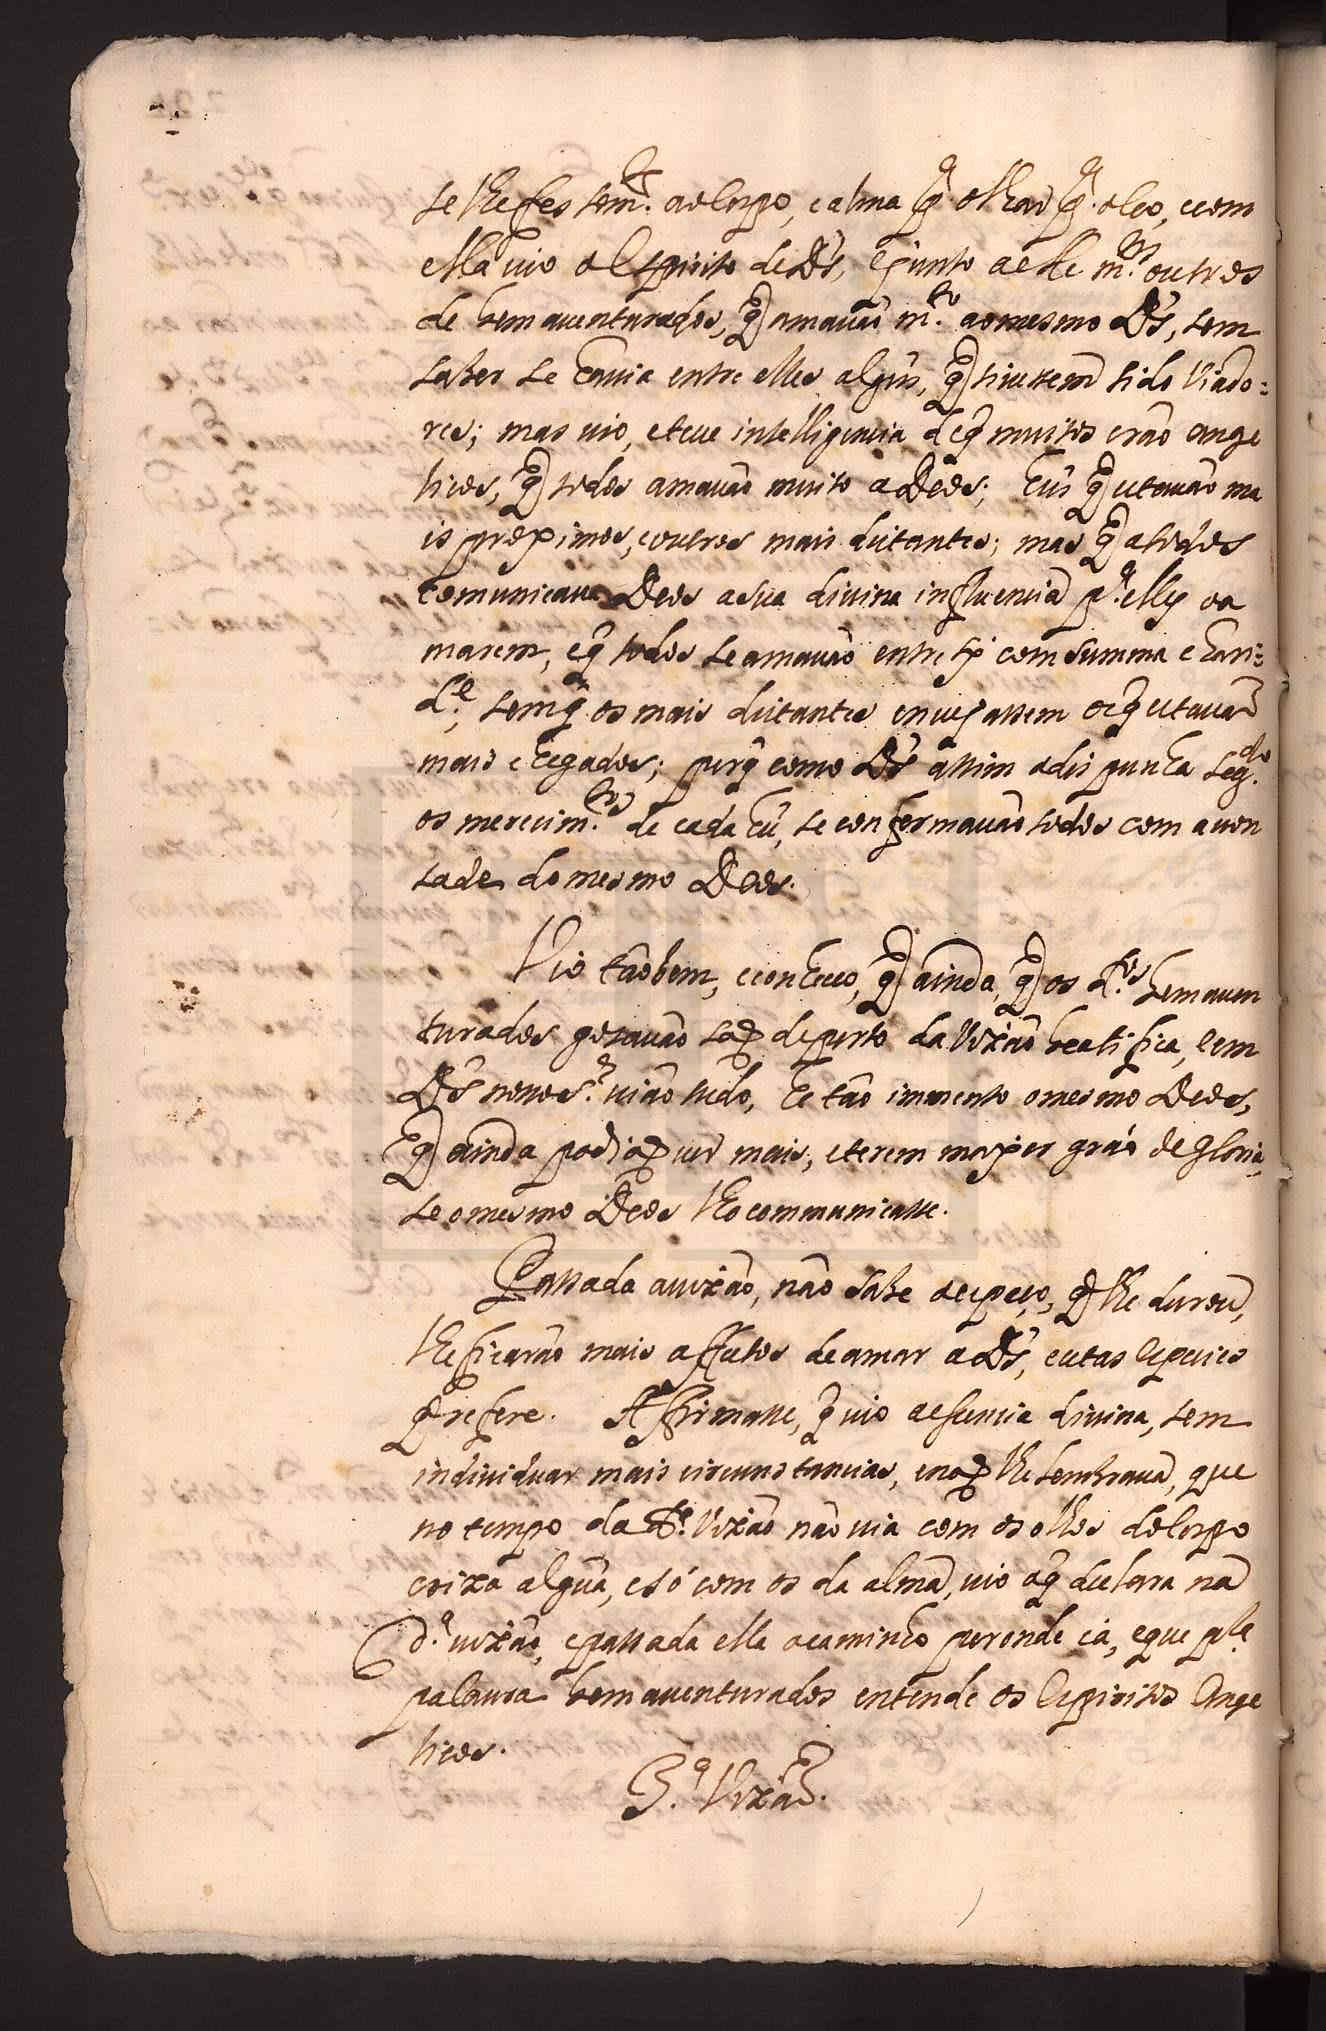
se lhe fes som.te ao Corpo, e alma pa olhar p.a o Ceo, e com
ella uio o Espirito de Ds̄, e junto a elle m.tos outros
de bem auenturados, q̄ amauaõ m.to ao mesmo Ds̄, sem
saber se hauia entre elles algūs, q̄ tiuessem tido Viado
res; mas uio, e teue intelligencia de q̄ muitos erão ange
licos, q̄ todos amauão muito a Deos; hus̄ q̄ estauaõ ma
is proximos, e outros mais distantes; mas q̄ a todos
comunicaua Deos a sua diuina influencia p.a elles o a
marem, e q̄ todos se amauão entre sy com summa chari
d.e, sem q̄ os mais distantes enuejassem os q̄ estauaõ
mais chegados; porq̄ como Ds̄ assim o dispunha segdo.
os merecim.tos de cada hū, se conformauaõ todos com a uon
tade do mesmo Deos.
Vio taõbem, e conheceo, q̄ ainda q̄ os d̄.os bem auen
turados gozauão taõ de perto da vizaõ beatifica, e em
Ds̄ nosso s.or uiaõ tudo, he tão immenso o mesmo Deos,
q̄ ainda podiaõ uer mais, e terem mayor graó de gloria
se o mesmo Deos lho communicasse.
Passada a uizaõ, não sabe o espaço, q̄ lhe durou,
lhe ficarão mais affectos de amar a Ds̄, e estas especies
q̄ refere. Affirmasse, q̄ uio a essencia diuina, sem
indiuiduar mais circunstancias, e naõ lhe lembraua, que
no tempo da d̄.a Vizaõ naõ uia com os olhos do corpo
coiza algua, e só com os da alma, uio a q̄ declara na
d.a uizaõ, e passada ella o caminho por onde ia, e que p.la
palaura bem auenturados entende os Espiritos Ange
licos.
3.a Vizaõ.
